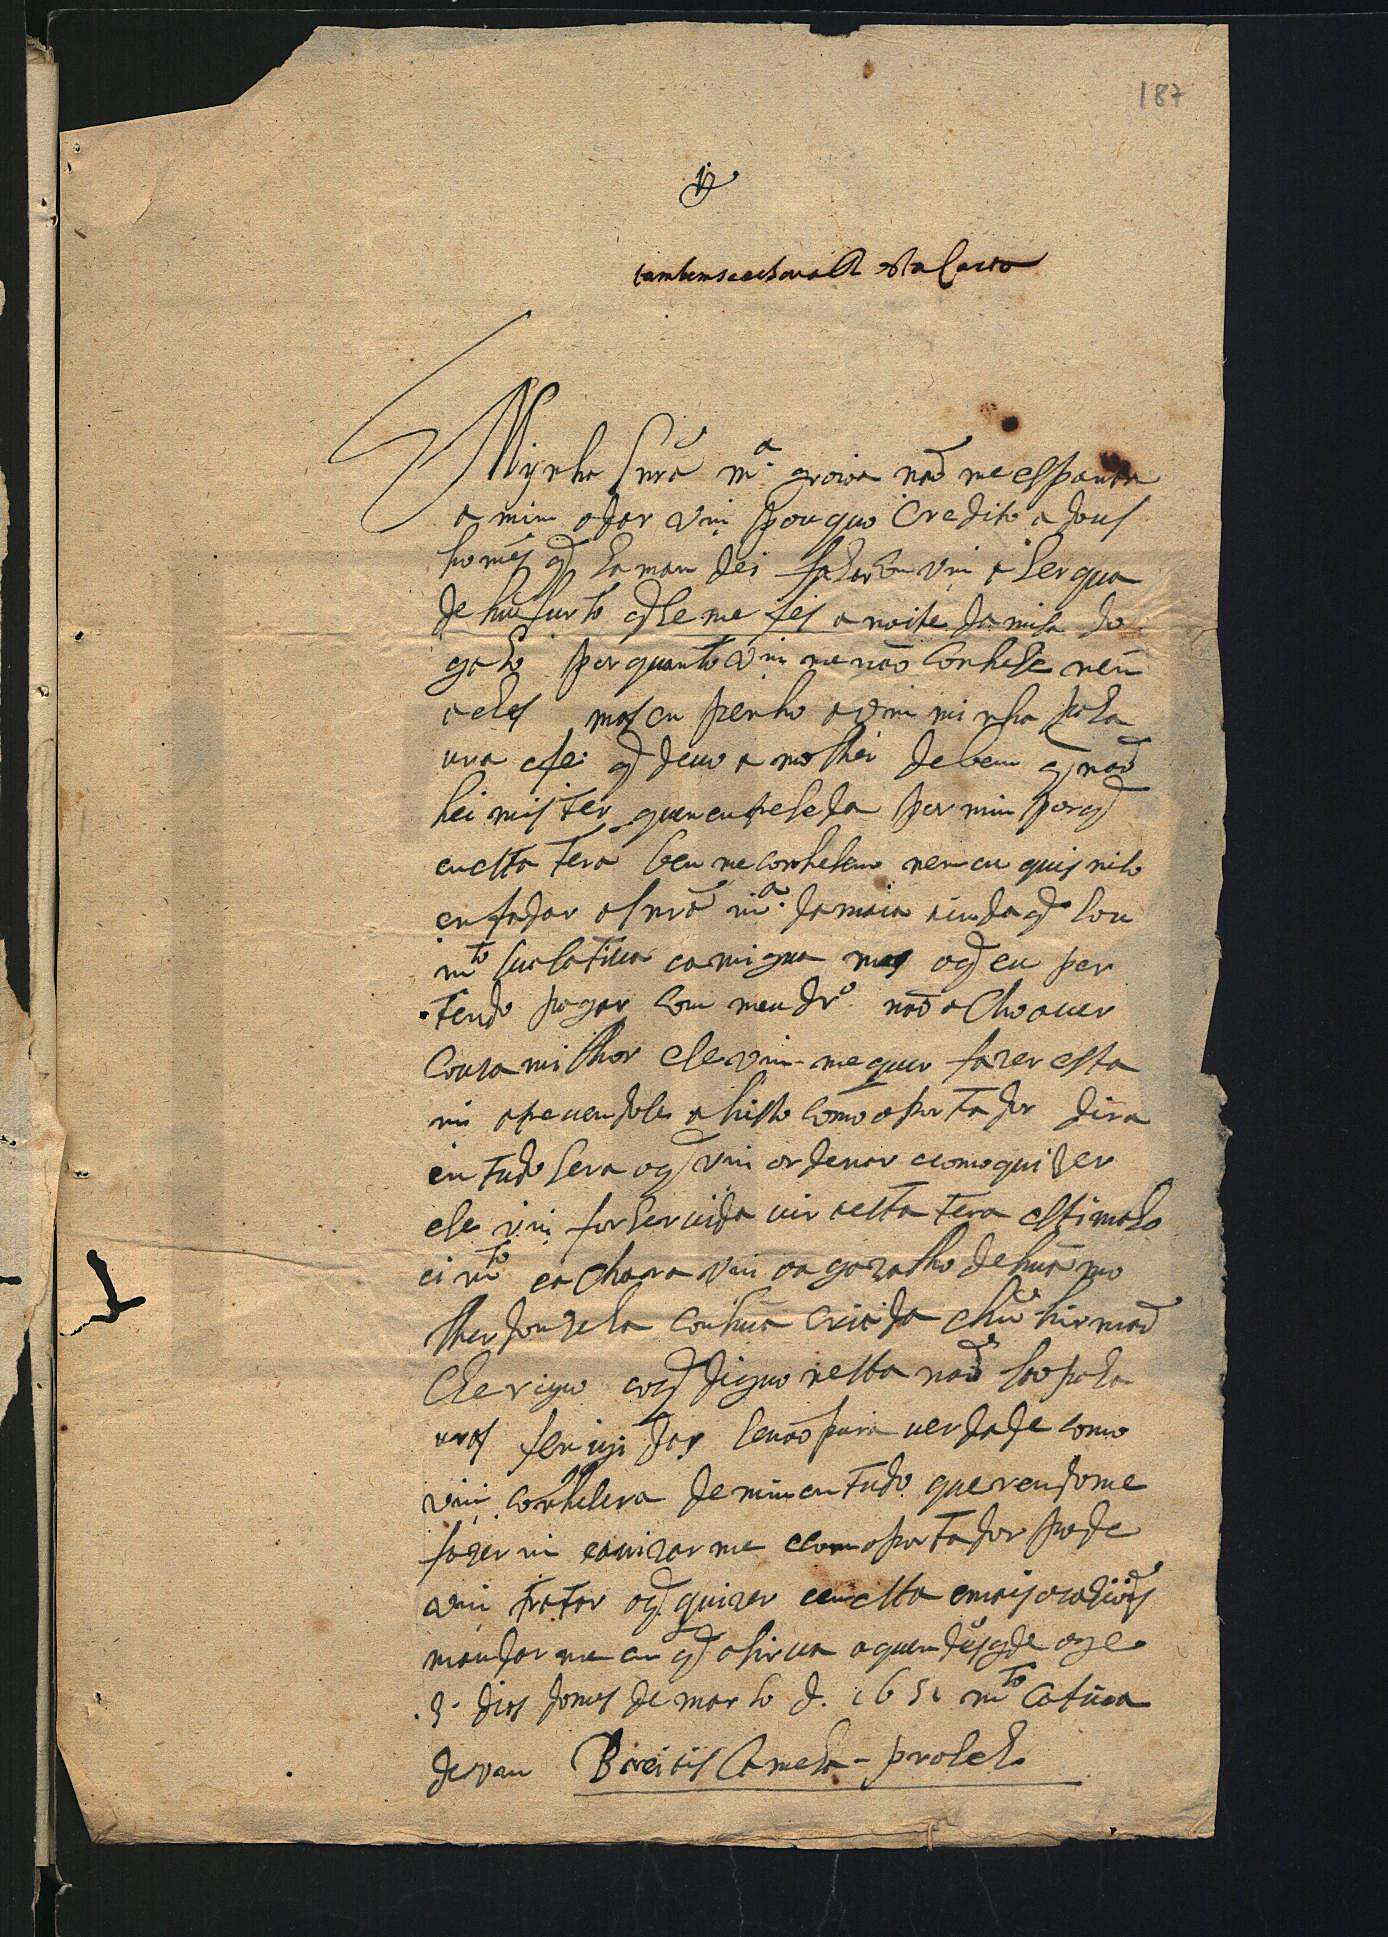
tambem se achou a R esta Carta
Mynha Snrā m.a groioa naõ me espanta
a mim o dar Vm pouquo Credito a dous
homēs q̄ la mandei falar com vm aserqua
de hū furto q̄ se me fes a noite da misa do
galo porquanto vm me não Conhese nem
a eles, mas eu penho a vm minha pala
ura e fe q̄ deuo a molher de bem q̄ naõ
hei mister quem entreseda por mim porq̄
en esta tera bem me conhesem nem eu quis niso
enfadar a snrā m.a da maia ainda q̄ sou
mto sua catiua e amigua mas o q̄ eu per
tendo pagar com meu dro naõ aCho auer
Couza milhor e se vm me quer fazer esta
m atreuentose a hisso como o portador dira
en tudo sera o q̄ vm ordenar e como quizer
e se vm for seruida uir a esta tera estimalo
ei mto e aChara vm o agazalho de huā mo
lher donzela con huā criada e hū hirmaõ
Cleriguo e o q̄ diguo nesta naõ sao pala
uras fenigidas senão pura uerdade como
vm conhesera de mim en tudo querendome
fazer m e auizarme e com o portador pode
vm tratar o q̄ quizer e em esta e mais ocaziõis
mandar me em q̄ a sirua a quem deos gde oge
.3. dias do mes de marso de 1651 mto catiua
de vm
Bereitis Camela - prosel
